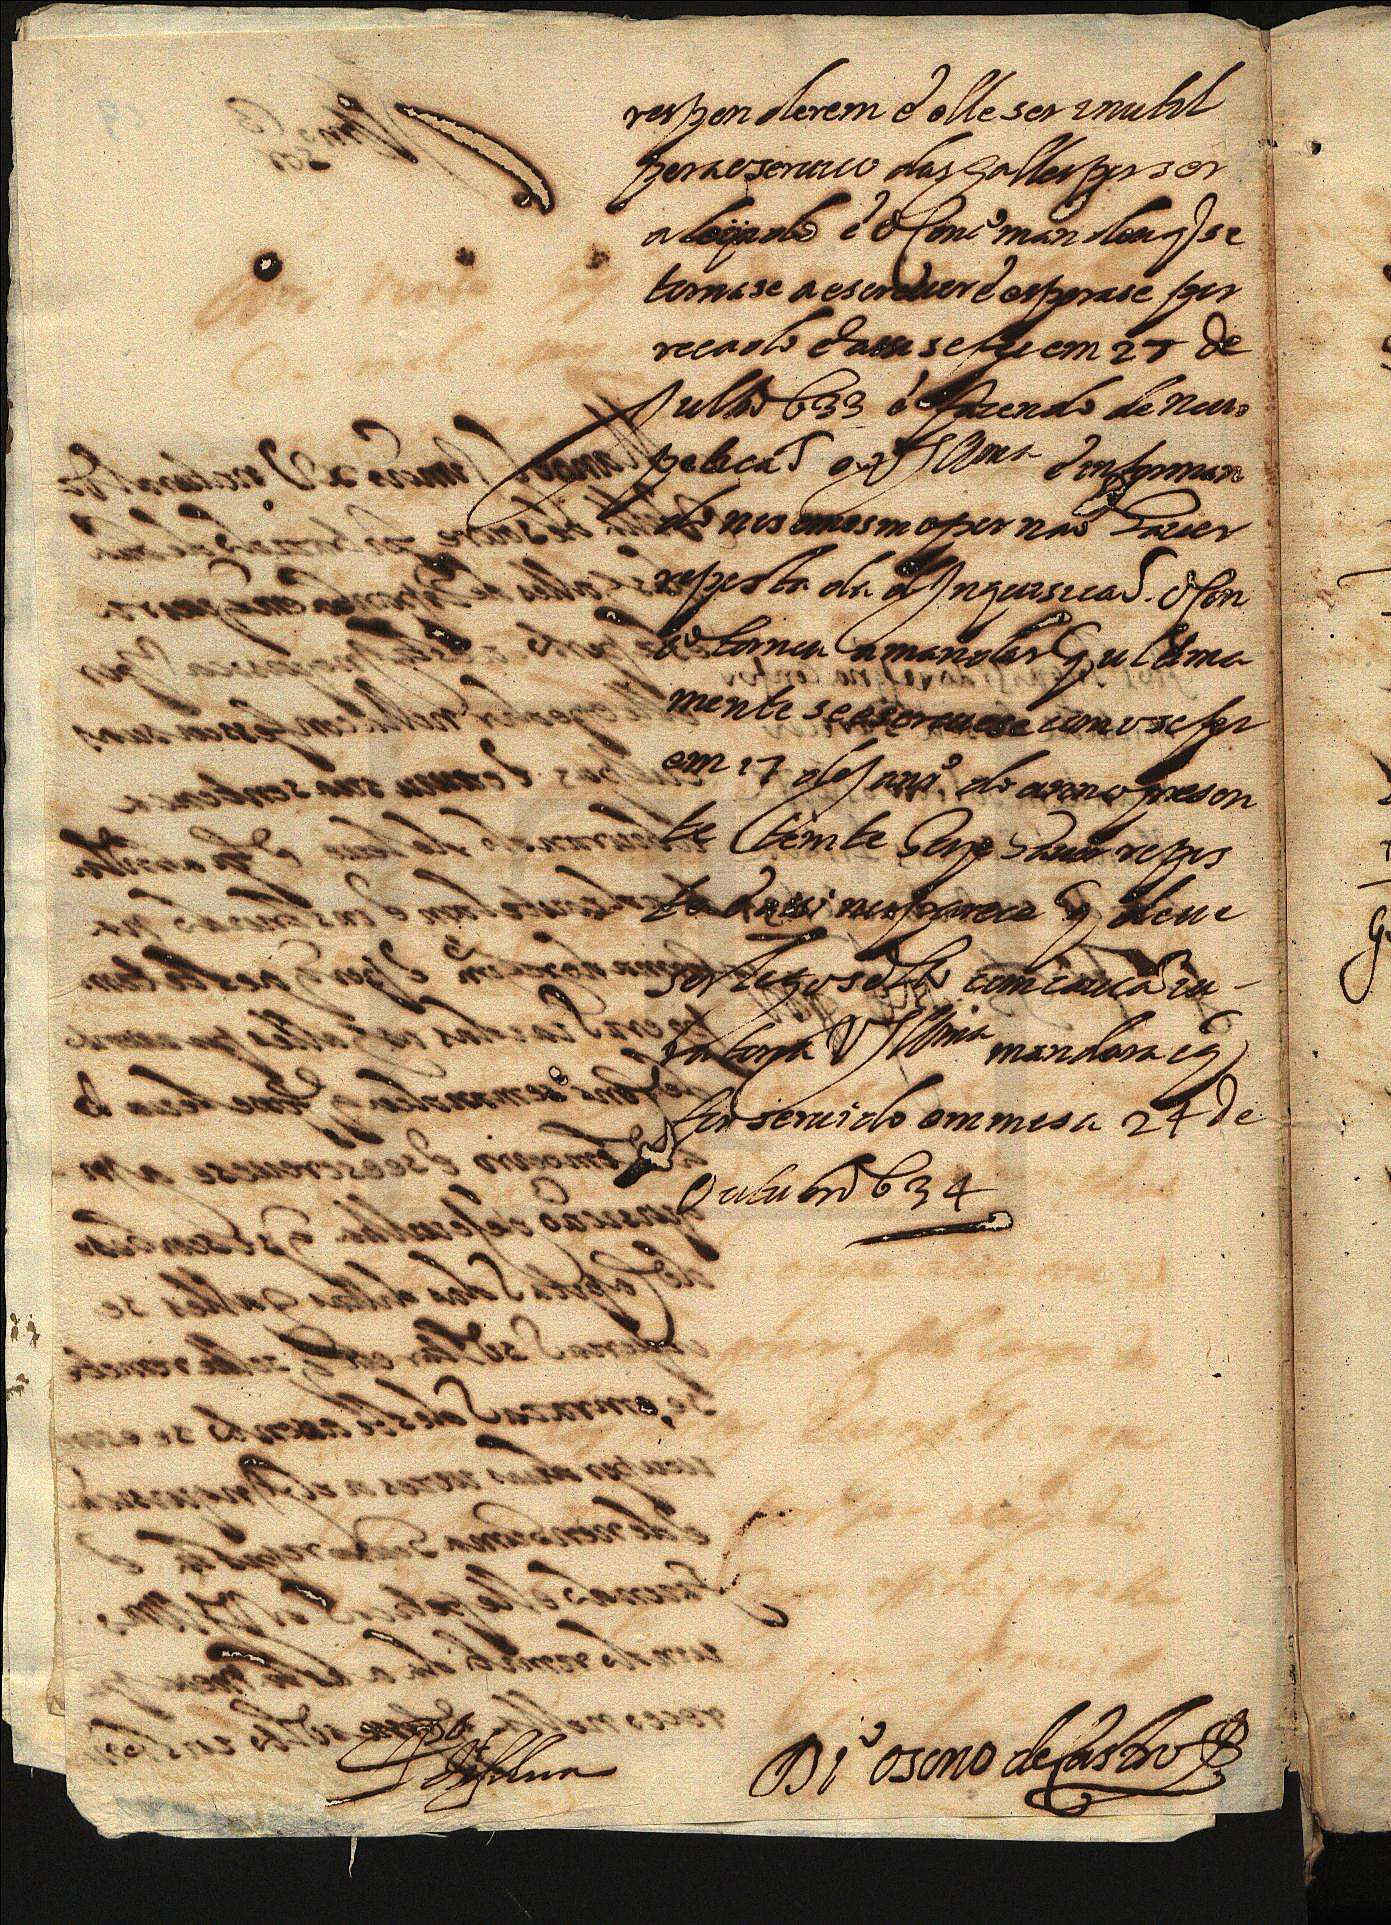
responderem e elle ser inutil
pera o seruico das galles por ser
aleijado e o Conco mandou q̄ se
tornase a escreuer e esperase por
recado e assi se fez em 27 de
Julho 633 e fazendo de nouo
petiçaõ a V Jllma e informan
do nos o mesmo por naõ hauer
reposta da d̄ Jnquisiçaõ o Con
co tornou a mandar q̄ ultima
mente se escreuese como se fez
em 17 de Janro do anno presen
te temte hoije hauer repos
to e assi nos parece q̄ deue
ser logo solto com cauçaõ iu
ratoria V Jllma mandara o q̄
for seruido em mesa 24 de
Outubro 634
